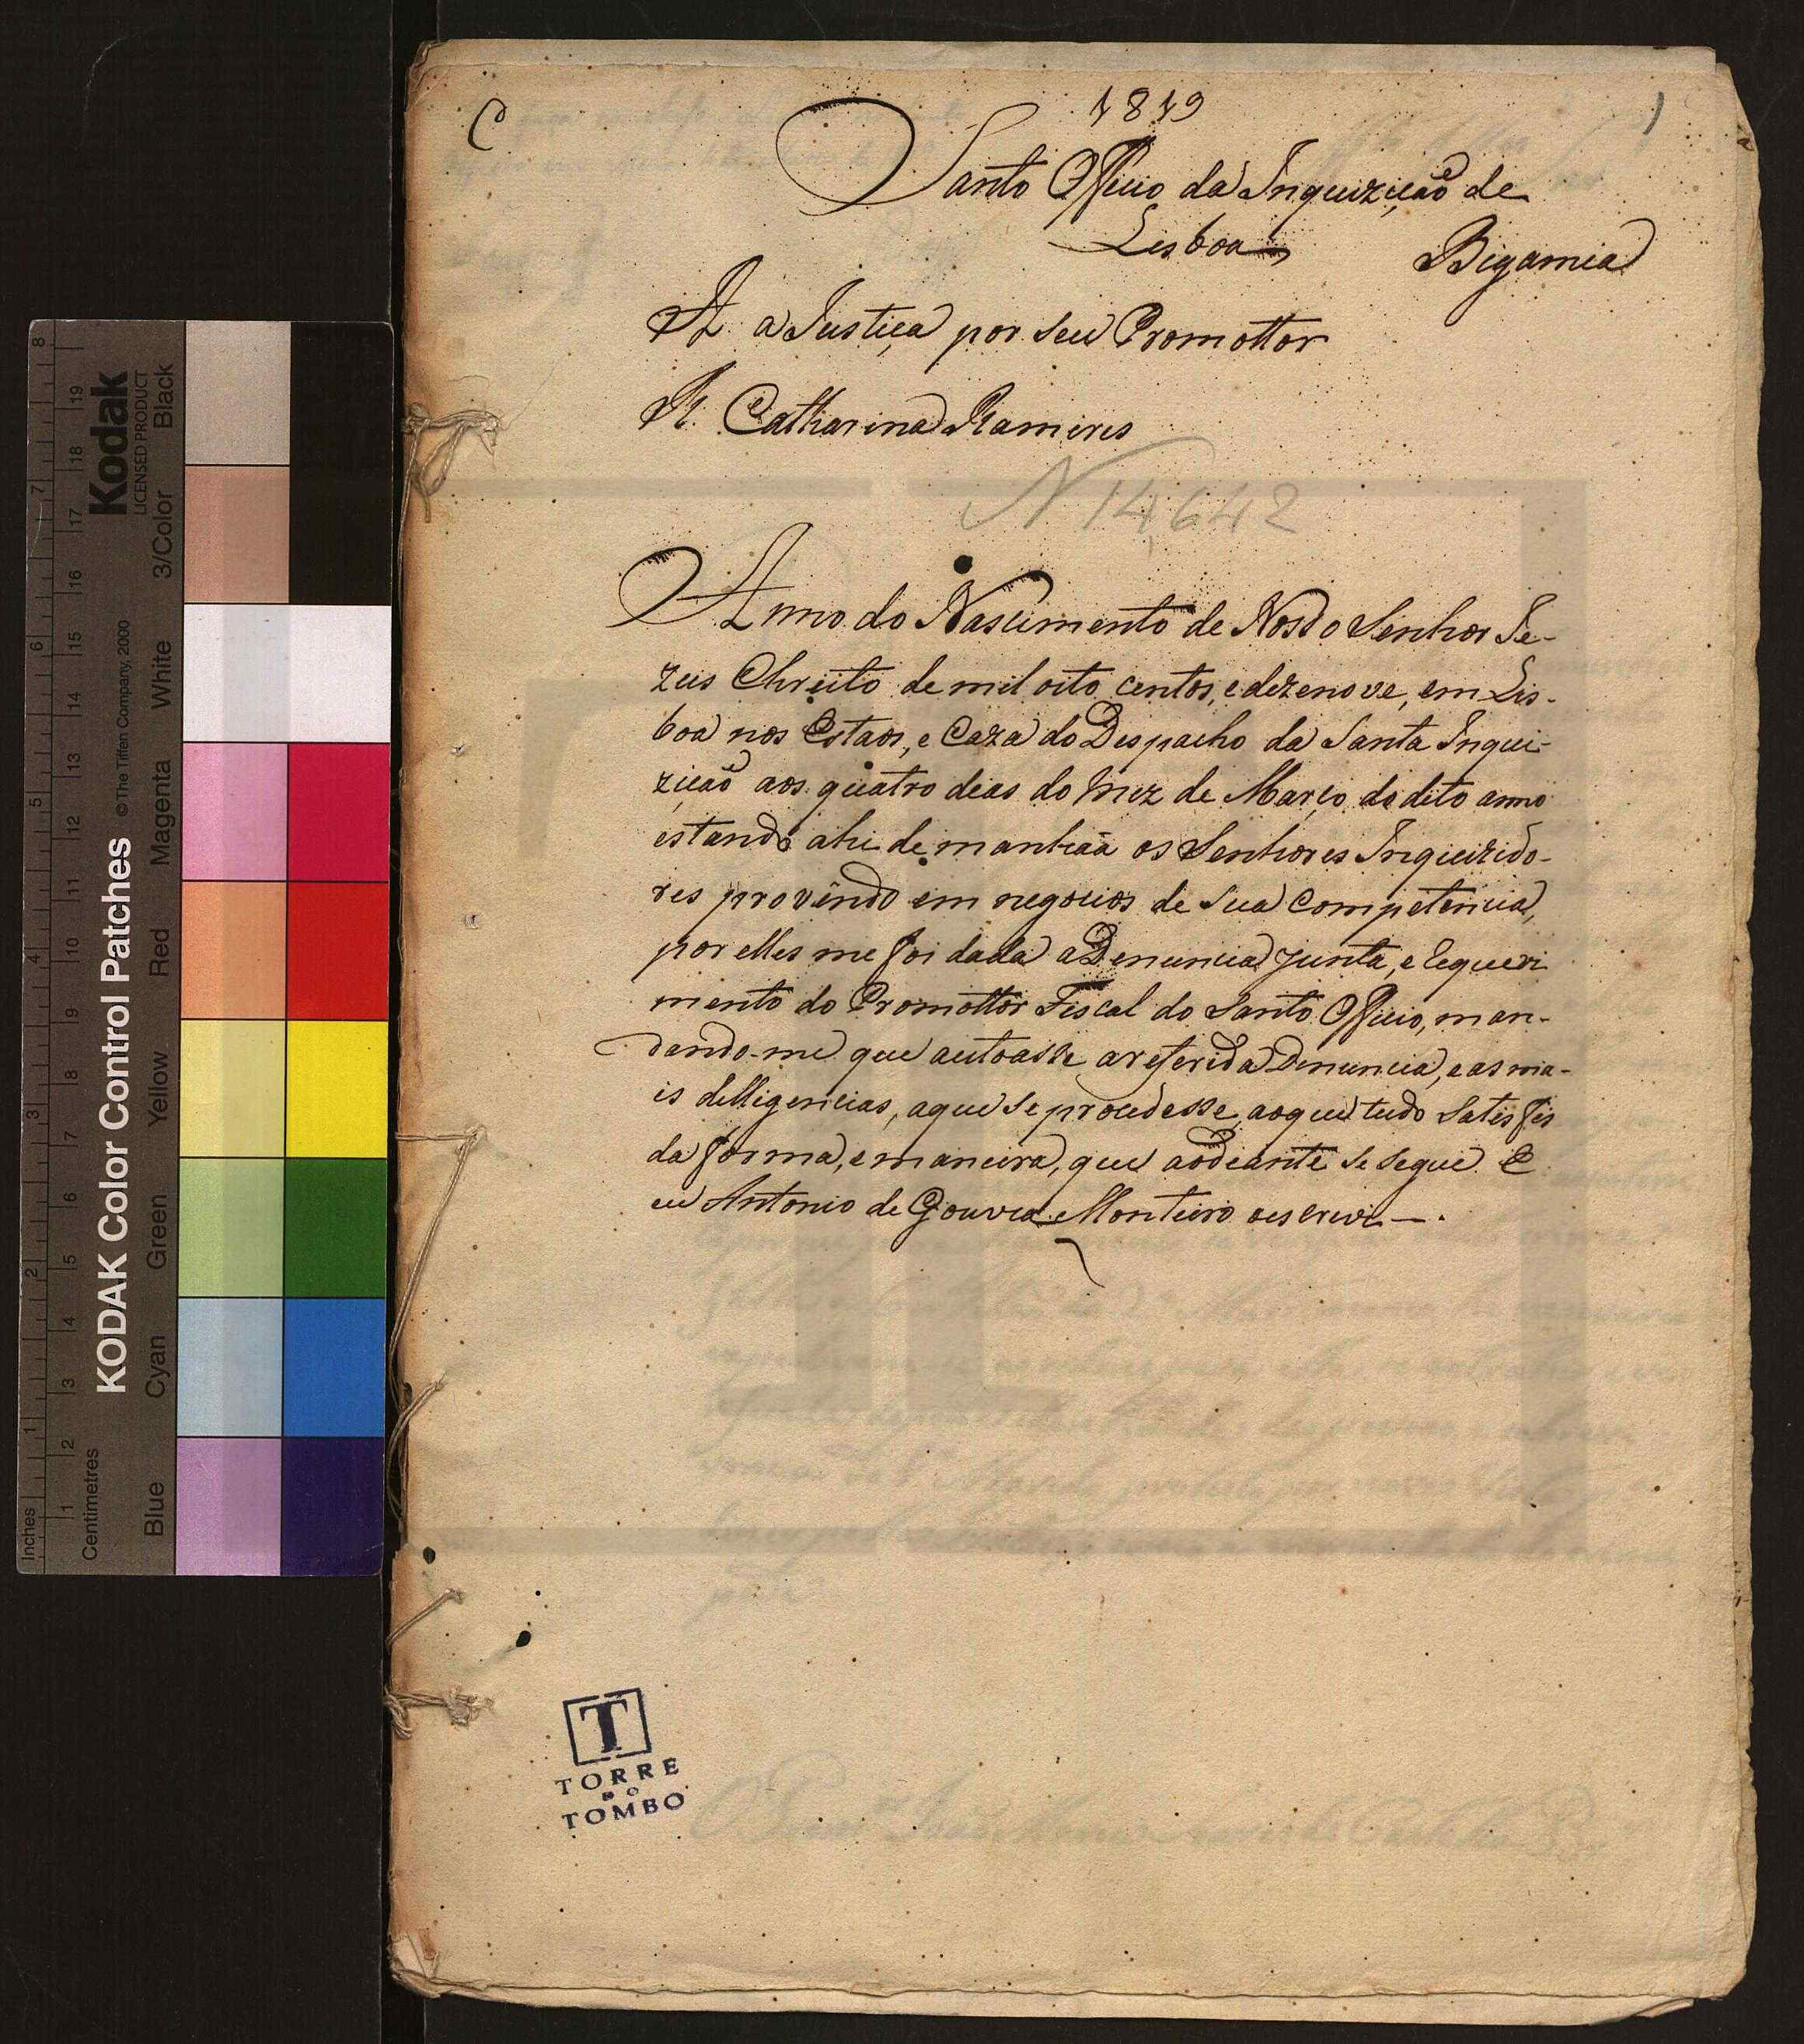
1819
Santo Officio da Inquiziçaõ de
Lisboa
Bigamia
A. a Iustiça por seu Promottor
R. Catharina Ramires
Anno do Nascimento de Nosso Senhor Ie
zus Christo de mil oitocentos, e dezenove, em Lis
boa nos Estaos, e Caza do Despacho da Santa Inqui
ziçaõ aos quatro dias do Mez de Março do dito anno
estando ahi de manhaã os Senhores Inquizido
res provêndo em negocios de sua competencia,
por elles me foi dada a Denuncia junta, e Requeri
mento do Promottor Fiscal do Santo Officio, man
dando-me que autoasse a referida Denuncia, e as ma
is dilligencias, a que se procedesse, ao que tudo satisfis
da forma, e maneira, que ao diante se segue. E
eu Antonio de Gouvea Monteiro o escrevi.
